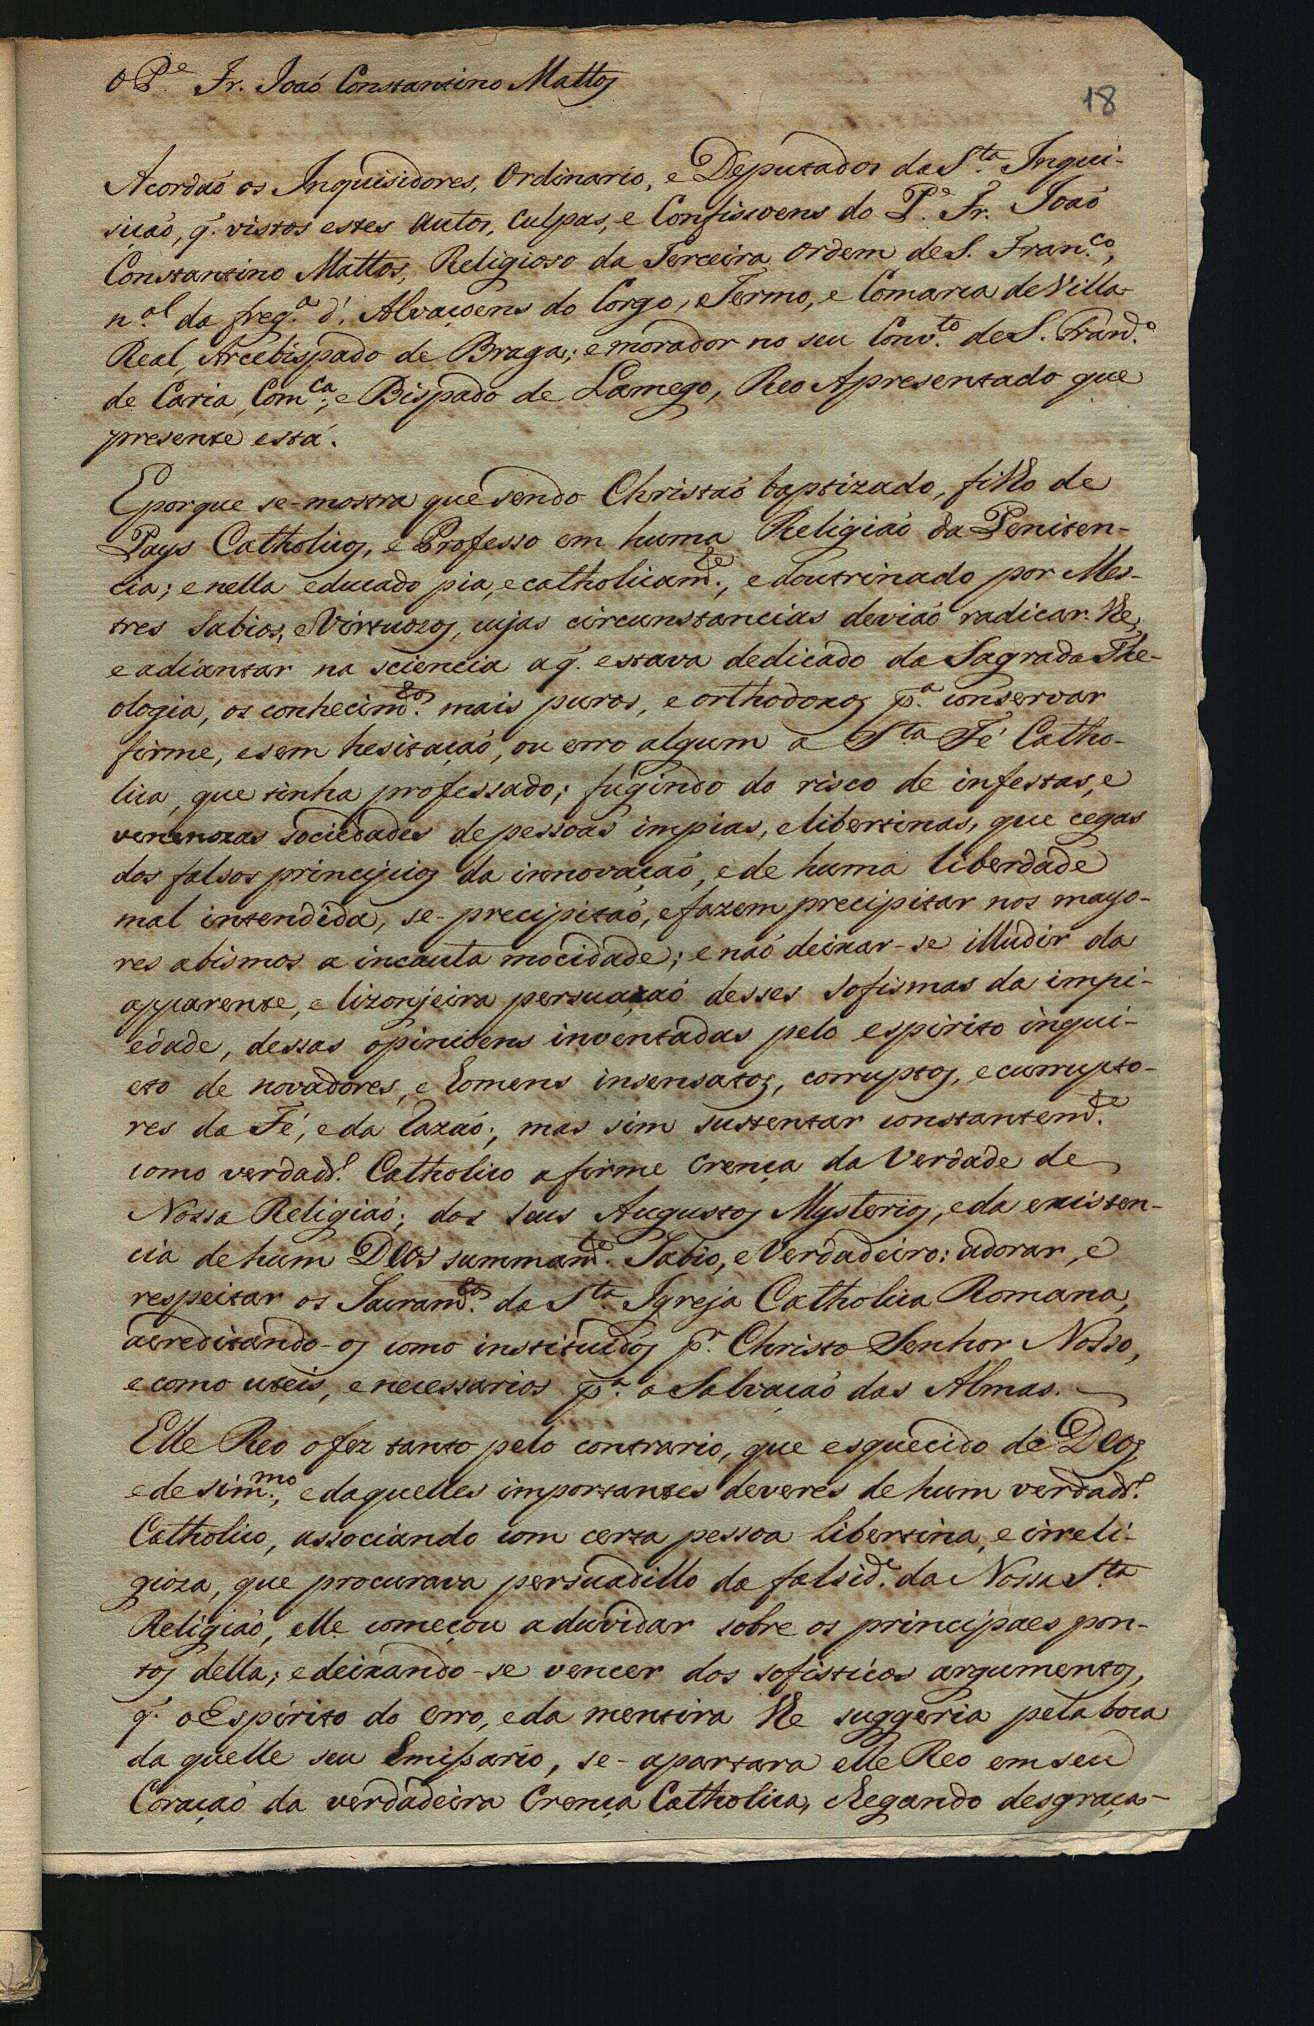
O P.e Fr. Joaõ Constantino Mattos
Acordaõ os Inquisidores, Ordinario, e Deputados da S.ta Inqui
siçaõ, q̄ vistos este autos, culpas, e Confissoens do P.e Fr. Joaõ
Constantino Mattos, Religioso da Terceira Ordem de S. Fran.co,
n.al da freg.a d'Alvaçoens do Corgo, Termo, e Comarca de Villa
Real, Arcebispado de Braga; e morador no seu Conv.to de S. Fran.co
de Caria, Com.ca, e Bispado de Lamego, Reo Apresentado que
presente está.
E porque se-mostra que sendo Christaõ baptizado, filho de
Pays Catholicos, e Professo em huma Religiaõ de Peniten
cia; e nella educado pia, e catholicam.te, e doutrinado por Mes
tres sabios, e virtuozos, cujas circunstancias deviaõ radicar-lhe,
e adiantar na sciencia a q̄ estava dedicado da Sagrada The
ologia os conhecim.tos mais puros, e orthodoxos p.a conservar
firme, e sem hesitaçaõ, ou erro algum a S.ta Fé Catho
lica, que tinha professado; fugindo do risco de infestas, e
venenozas sociedades de pessoas impias, e libertinas, que cegas
dos falsos principios da innovaçaõ, e de huma liberdade
mal intendida, se-precipitaõ, e fazem precipitar nos mayo
res abismos a incauta mocidade; e naõ deixar-se illudir da
apparente, e lizonjeira persua_aõ desses sofismas da impi
edade, dessas opinioens inventadas pelo espirito inqui
eto de novadores, e homens insensatos, corruptos, e corrupto
res da Fé, e da Razaõ; mas sim sustentar constantem.te
como verdad.o Catholico a firme crença da verdade de
Nossa Religiaõ; dos seus Augustos Mysterios, e da existen
cia de hum Deos summam.te sabio, e verdadeiro: adorar, e
respeitar os Sacram.tos da S.ta Igreja Catholica Romana,
acreditando-os como instituidos p.r Christo Senhor Nosso,
e como uteis, e necessarios p.a a Salvaçaõ das Almas.
Elle Reo o fez tanto pelo contrario, que esquecido de Deos,
e de sim.mo, e daquelles importantes deveres de hum verdad.ro
Catholico, associando com certa pessoa libertina, e irreli
gioza, que procurava persuadillo da falsid.e da Nossa S.ta
Religiaõ, elle começou a duvidar sobre os principaes pon
tos della; e deixando-se vencer dos sofisticos argumentos,
q̄ o Espirito do erro, e da mentira lhe suggeria pela boca
daquelle seu Emissario, se-apartara elle Reo em seu
Coraçaõ da verdadeira Crença Catholica, chegando desgraça
